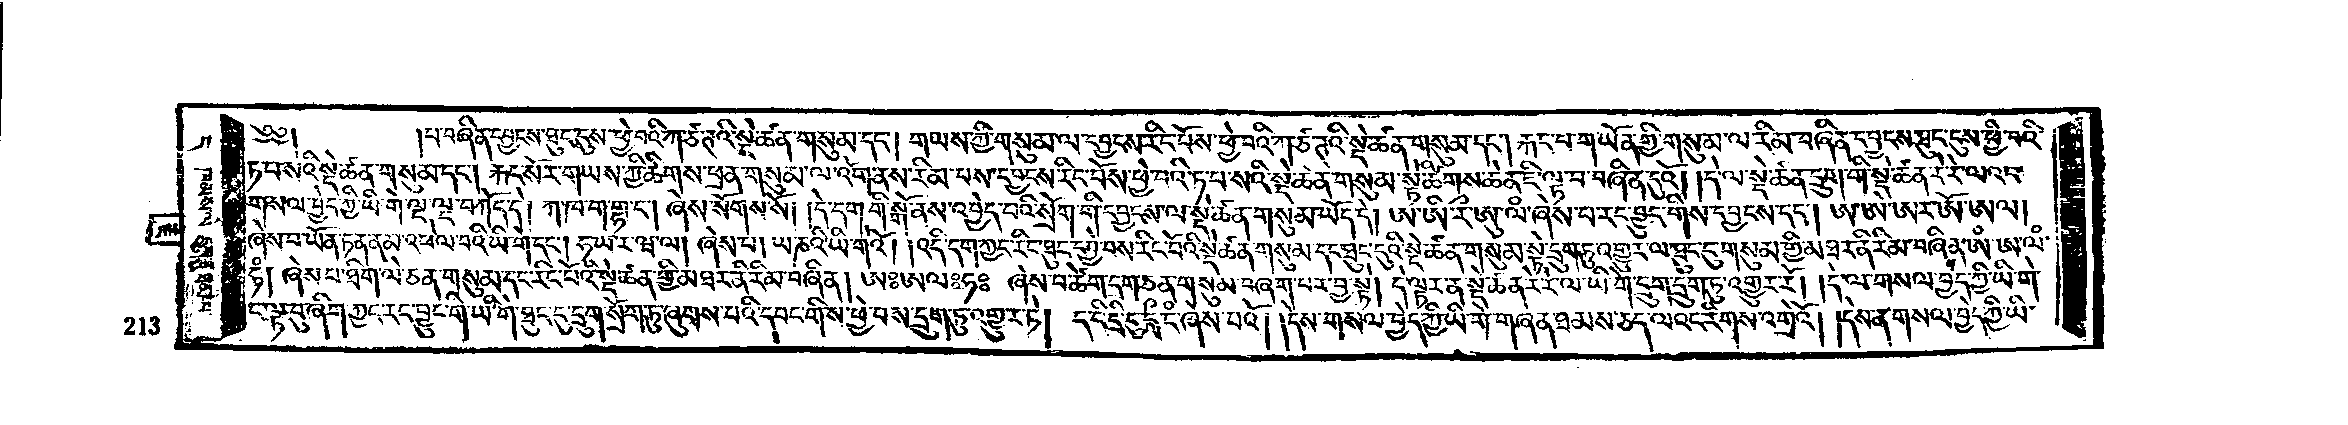༄༅། །པ་བཞིན་དབྱངས་ཐུང་དུས་ཕྱེ་བའི་ཀ་ཙ་ཊའི་སྡེ་ཚན་གསུམ་དང་། གཡས་ཀྱི་གསུམ་ལ་དབྱངས་རིང་པོས་ཕྱེ་བའི་ཀ་ཙ་ཊའི་སྡེ་ཚན་གསུམ་དང་། རྐང་པ་གཡོན་གྱི་གསུམ་ལ་རིམ་བཞིན་དབྱངས་ཐུང་ངུས་ཕྱི་བའི་
ཏ་པ་སའི་སྡེ་ཚན་གསུམ་དང་། རྐང་སོར་གཡས་ཀྱི་ཚིགས་ཕྲན་གསུམ་ལ་འོག་ནས་རིམ་པས་དབྱངས་རིང་པོས་ཕྱེ་བའི་ཏ་པ་སའི་སྡེ་ཚན་གསུམ་སྟེ་ཚིགས་ཆེན་ཇི་ལྟ་བ་བཞིན་དུའོ། །དེ་ལ་སྡེ་ཚན་དྲུག་གི་སྡེ་ཚན་རེ་རེ་ལའང་
གསལ་བྱེད་ཀྱི་ཡི་གེ་ལྔ་ལྔ་བཀོད་དེ། ཀ་ཁ་ག་གྷ་ང་། ཞེས་སོགས་སོ། །དེ་དག་གི་སྒོ་ནས་འབྱེད་པའི་སྲོག་གི་དབྱངས་ལ་སྡེ་ཚན་གསུམ་ཡོད་དེ། ཨ་ཨི་རྀ་ཨུ་ལཾ་ཞེས་པ་རང་བྱུང་གིས་དབྱངས་དང་། ཨ་ཨེ་ཨར་ཨོ་ཨལ་
ཞེས་པ་ཡོན་ཏན་ནམ་འཕེལ་བའི་ཡི་གེ་དང་། ཧ་ཡ་ར་ཝ་ལ། ཞེས་པ། ཡ་ཎའི་ཡི་གེའོ། །འདི་དག་ཀྱང་རིང་ཐུང་དབྱེ་བས་རིང་པོའི་སྡེ་ཚན་གསུམ་དང་ཐུང་ངུའི་སྡེ་ཚན་གསུམ་སྟེ་དྲུག་ཏུ་འགྱུར་ལ་ཐུང་ངུ་གསུམ་གྱི་མཐར་ནི་རིམ་བཞིན་ཨཾ་ཨ་ལཾ་
ཧཾ། ཞེས་པ་ཐིག་ལེ་ཅན་གསུམ་དང་རིང་པོའི་སྡེ་ཚན་གྱི་མཐར་ནི་རིམ་བཞིན། ཨཿ ཨལཿ ཧཿ ཞེས་པ་ཚེག་དྲག་ཅན་གསུམ་བཞག་པར་བྱ་སྟེ། དེ་ལྟར་ན་སྡེ་ཚན་རེ་རེ་ལ་ཡི་གེ་དྲུག་དྲུག་ཏུ་འགྱུར་རོ། །དེ་ལ་གསལ་བྱེད་ཀྱི་ཡི་གེ་
ང་ལྟ་བུ་ཞིག་ཀྱང་རང་བྱུང་གི་ཡི་གེ་ཐུང་ངུ་དྲུག་སྲོག་ཏུ་ཞུགས་པའི་དབང་གིས་ཕྱེ་བས་དྲུག་ཏུ་འགྱུར་ཏེ། ད་ངི་དྲི་ངུ་དཱྀ་ངཾ་ཞེས་པའོ། །དེས་གསལ་བྱེད་ཀྱི་ཡི་གེ་གཞན་ཐམས་ཅད་ལའང་རིགས་འགྲེའོ། །དེས་ན་གསལ་བྱེད་ཀྱི་ཡི་